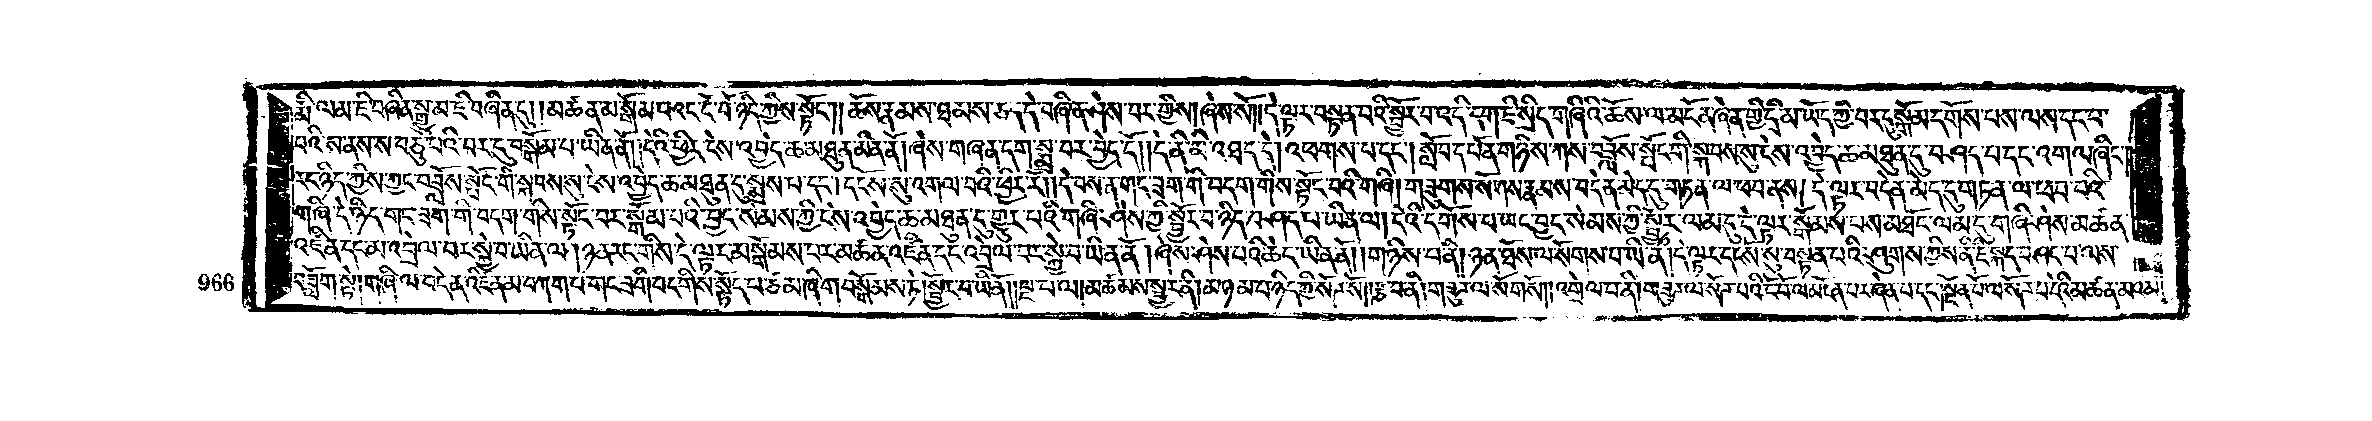རྨི་ལམ་ཇི་བཞིན་སྒྱུ་མ་ཇི་བཞིན་དུ། །མཚན་མ་སྒོམ་པའང་ངོ་བོ་ཉིད་ཀྱིས་སྟོང་། །ཆོས་རྣམས་ཐམས་ཅད་དེ་བཞིན་ཤེས་པར་གྱིས། ཞེས་སོ། །དེ་ལྟར་བསྟན་པའི་སྦྱོར་བ་འདི་དག་ཇི་སྲིད་གཞིའི་ཆོས་ལ་མངོན་ཞེན་གྱི་དྲི་མ་ཡོད་ཀྱི་བར་དུ་སྒོམ་དགོས་པས་ལས་དང་པོ་
བའི་ས་ནས་ས་བཅུ་པའི་བར་དུ་བསྒོམ་པ་ཡིན་ནོ། །དེའི་ཕྱིར་ངེས་འབྱེད་ཆ་མཐུན་མིན་ནོ། ཞེས་གཞན་དག་སྨྲ་བར་བྱེད་དོ། །དེ་ནི་མི་འཐད་དེ། འཕགས་པ་དང་། སློབ་དཔོན་གཉིས་ཀས་བཟློས་སྤོང་གི་སྐབས་སུ་ངེས་འབྱེད་ཆ་མཐུན་དུ་བཤད་པ་དང་། འགལ་ཞིང་
རང་ཉིད་ཀྱིས་ཀྱང་བཟློས་སྤོང་གི་སྐབས་སུ་ངེས་འབྱེད་ཆ་མཐུན་དུ་སྨྲས་པ་དང་། དངོས་སུ་འགལ་བའི་ཕྱིར་རོ། །དེ་བས་ན་གང་ཟག་གི་བདག་གིས་སྟོང་བའི་གཞི། གཟུགས་སོགས་རྣམས་བདེན་མེད་དུ་གཏན་ལ་ཕབ་ནས། དེ་ལྟར་བདེན་མེད་དུ་གཏན་ལ་ཕབ་པའི་
གཞི་དེ་ཉིད་གང་ཟག་གི་བདག་གིས་སྟོང་བར་སྒོམ་པའི་བྱང་སེམས་ཀྱི་ངེས་འབྱེད་ཆ་མཐུན་དུ་གྱུར་པའི་གཞི་ཤེས་ཀྱི་སྦྱོར་བ་ཉིད་བཤད་པ་ཡིན་ལ། དེའི་དགོས་པ་ཡང་བྱང་སེམས་ཀྱི་སྦྱོར་ལམ་དུ་དེ་ལྟར་སྒོམས་པས་མཐོང་ལམ་དུ་གཞི་ཤེས་མཚན་
འཛིན་དང་མ་འབྲེལ་བར་སྐྱེ་བ་ཡིན་ལ། ཉན་རང་གིས་དེ་ལྟར་མ་སྒོམས་པར་མཚན་འཛིན་དང་འབྲེལ་བར་སྐྱེ་བ་ཡིན་ནོ། ཞེས་ཤེས་པའི་ཆེད་ཡིན་ནོ། །གཉིས་པ་ནི། ཉན་ཐོས་ལ་སོགས་པ་ཡི་ནི། དེ་ལྟར་དངོས་སུ་བསྟན་པའི་ཤུགས་ཀྱིས་ནི་ཇི་སྐད་བཤད་པ་ལས་
བཟློག་སྟེ། གཞི་ལ་བདེན་འཛིན་མ་བཀག་པ་གང་ཟག་གི་བདག་གིས་སྟོད་པ་ཙམ་ཞིག་བསྒོམས་ཏེ། སྦྱོར་བ་ཡིན་ནོ། །ལྔ་པ་ལ། མཚམས་སྦྱར་ནི། མཉམ་པ་ཉིད་ཀྱི་སོགས་སོ། །རྩ་བ་ནི། གཟུགས་ལ་སོགས་སོ། །འགྲེལ་པ་ནི། གཟུགས་ལ་སོགས་པའི་ངོ་བོ་ལ་མངོན་པར་ཞེན་པ་དང་། སྔོན་པོ་ལ་སོགས་པ་དེའི་མཚན་མའམ་